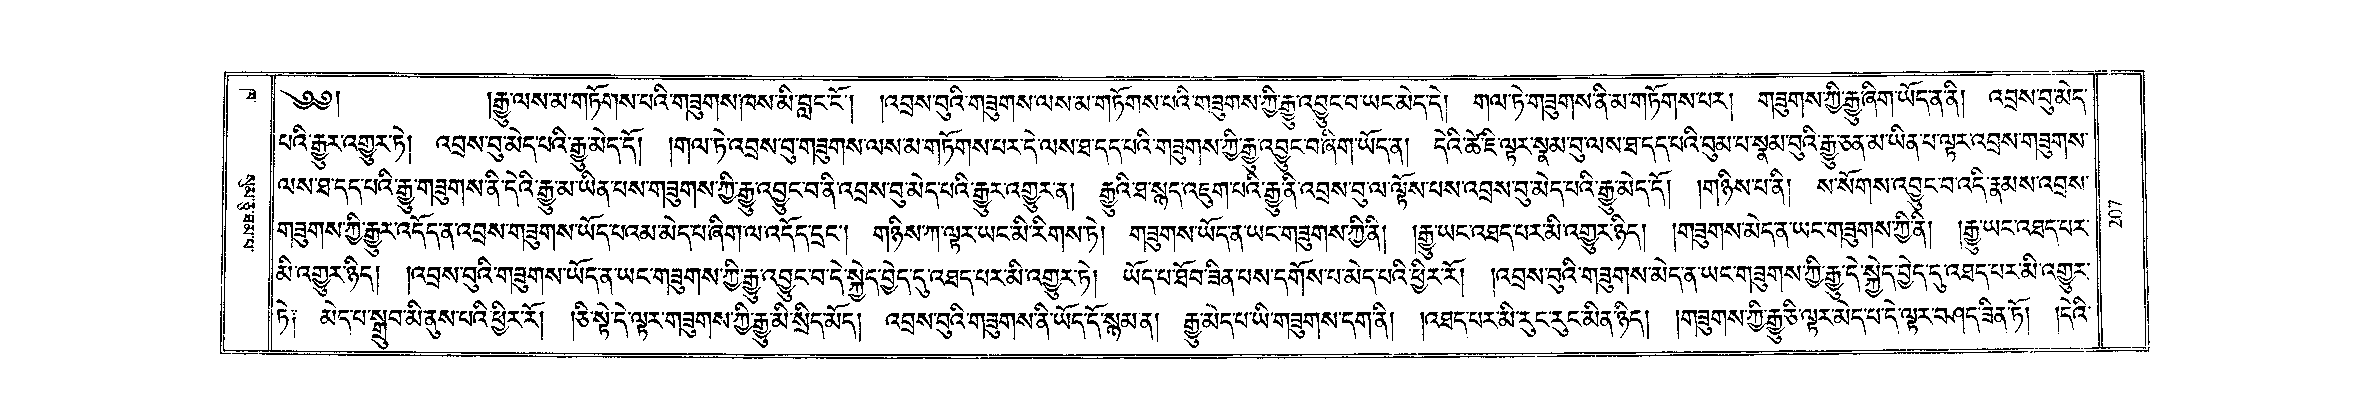༄༅། །རྒྱུ་ལས་མ་གཏོགས་པའི་གཟུགས་ཁས་མི་བླང་ངོ། །འབྲས་བུའི་གཟུགས་ལས་མ་གཏོགས་པའི་གཟུགས་ཀྱི་རྒྱུ་འབྱུང་བ་ཡང་མེད་དེ། གལ་ཏེ་གཟུགས་ནི་མ་གཏོགས་པར། གཟུགས་ཀྱི་རྒྱུ་ཞིག་ཡོད་ན་ནི། འབྲས་བུ་མེད་
པའི་རྒྱུར་འགྱུར་ཏེ། འབྲས་བུ་མེད་པའི་རྒྱུ་མེད་དོ། །གལ་ཏེ་འབྲས་བུ་གཟུགས་ལས་མ་གཏོགས་པར་དེ་ལས་ཐ་དད་པའི་གཟུགས་ཀྱི་རྒྱུ་འབྱུང་བ་ཞིག་ཡོད་ན། དེའི་ཚེ་ཇི་ལྟར་སྣམ་བུ་ལས་ཐ་དད་པའི་བུམ་པ་སྣམ་བུའི་རྒྱུ་ཅན་མ་ཡིན་པ་ལྟར་འབྲས་གཟུགས་
ལས་ཐ་དད་པའི་རྒྱུ་གཟུགས་ནི་དེའི་རྒྱུ་མ་ཡིན་པས་གཟུགས་ཀྱི་རྒྱུ་འབྱུང་བ་ནི་འབྲས་བུ་མེད་པའི་རྒྱུར་འགྱུར་ན། རྒྱུའི་ཐ་སྙད་འཇུག་པའི་རྒྱུ་ནི་འབྲས་བུ་ལ་ལྟོས་པས་འབྲས་བུ་མེད་པའི་རྒྱུ་མེད་དོ། །གཉིས་པ་ནི། ས་སོགས་འབྱུང་བ་འདི་རྣམས་འབྲས་
གཟུགས་ཀྱི་རྒྱུར་འདོད་ན་འབྲས་གཟུགས་ཡོད་པའམ་མེད་པ་ཞིག་ལ་འདོད་དྲང་། གཉིས་ཀ་ལྟར་ཡང་མི་རིགས་ཏེ། གཟུགས་ཡོད་ན་ཡང་གཟུགས་ཀྱི་ནི། །རྒྱུ་ཡང་འཐད་པར་མི་འགྱུར་ཉིད། །གཟུགས་མེད་ན་ཡང་གཟུགས་ཀྱི་ནི། །རྒྱུ་ཡང་འཐད་པར་
མི་འགྱུར་ཉིད། །འབྲས་བུའི་གཟུགས་ཡོད་ན་ཡང་གཟུགས་ཀྱི་རྒྱུ་འབྱུང་བ་དེ་སྐྱེད་བྱེད་དུ་འཐད་པར་མི་འགྱུར་ཏེ། ཡོད་པ་ཐོབ་ཟིན་པས་དགོས་པ་མེད་པའི་ཕྱིར་རོ། །འབྲས་བུའི་གཟུགས་མེད་ན་ཡང་གཟུགས་ཀྱི་རྒྱུ་དེ་སྐྱེད་བྱེད་དུ་འཐད་པར་མི་འགྱུར་
ཏེ༑ མེད་པ་སྒྲུབ་མི་ནུས་པའི་ཕྱིར་རོ། །ཅི་སྟེ་དེ་ལྟར་གཟུགས་ཀྱི་རྒྱུ་མི་སྲིད་མོད། འབྲས་བུའི་གཟུགས་ནི་ཡོད་དོ་སྙམ་ན། རྒྱུ་མེད་པ་ཡི་གཟུགས་དག་ནི། །འཐད་པར་མི་རུང་རུང་མིན་ཉིད། །གཟུགས་ཀྱི་རྒྱུ་ཅི་ལྟར་མེད་པ་དེ་ལྟར་བཤད་ཟིན་ཏོ། །དེའི་